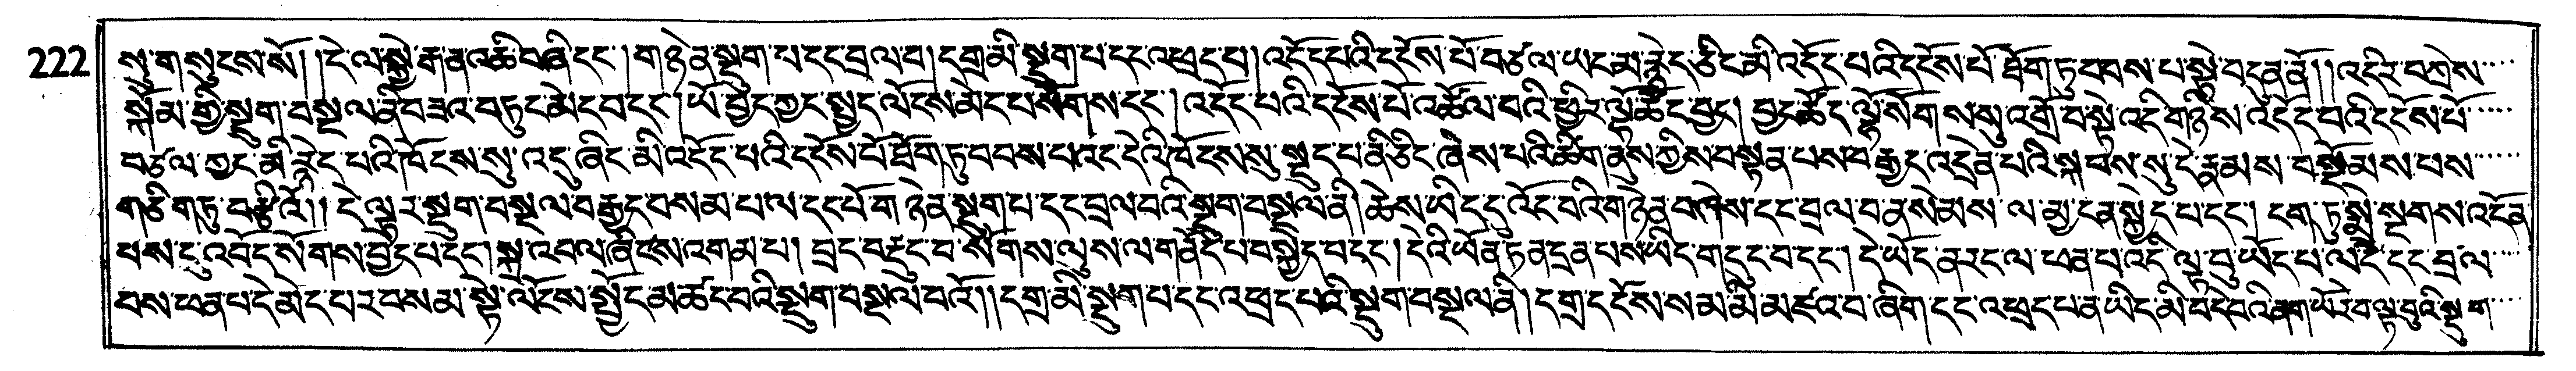སུ་གསུངས་སོ། །དེ་ལ་སྐྱེ་རྒ་ན་འཆི་བཞི་དང་། གཉེན་སྡུག་པ་དང་བྲལ་བ། དགྲ་མི་སྡུག་པ་དང་འཕྲད་པ། འདོད་པའི་དངོས་པོ་བཙལ་ཡང་མ་རྙེད་ཅིང་མི་འདོད་པའི་དངོས་པོ་ཐོག་ཏུ་བབས་པ་སྟེ་བདུན་ནོ། །འདིར་བཀྲེས་
སྐོམ་གྱི་སྡུག་བསྔལ་ནི་བཟའ་བཏུང་མེད་བ་དང་། ཡོ་བྱེད་ཀྱང་སྤྱད་ལོངས་མེད་པ་སོགས་དང་། འདོད་པའི་དངོས་པོ་འཚོལ་བའི་ཕྱིར་ལྷོ་ཚོང་བྱང་། བྱང་ཚོད་ལྷོ་སོགས་སུ་འགྲོ་བ་སྟེ་འདི་གཉིས་འདོད་པའི་དངོས་པོ་
བཙལ་ཀྱང་མི་རྙེད་པའི་ཁོངས་སུ་འདུ་ཞིང་མི་འདོད་པའི་དངོས་པོ་ཐོག་ཏུ་བབས་པའང་དེའི་ཁོངས་སུ་སྡུད་པ་ནི་ཅིང་ཞེས་པའི་ཚིག་ནུས་ཀྱིས་བསྟན་པས་བརྒྱད་འདྲེན་པའི་སྐབས་སུ་དེ་རྣམས་བསྡོམས་པས་
གཅིག་ཏུ་བརྩིའོ། །དེ་ལྟར་སྡུག་བསྔལ་བརྒྱད་བསམ་པ་ལ་དང་པོ་གཉེན་སྡུག་པ་དང་བྲལ་བའི་སྡུག་བསྔལ་ནི། ཆེས་ཡིད་དུ་འོང་བའི་གཉེན་བཤེས་དང་བྲལ་བ་ན་སེམས་ལ་མྱ་ངན་སྐྱེད་པ་དང་། ངག་ཏུ་སྨྲེ་སྔགས་འདོན་
པས་དུ་འབོད་སོགས་བྱེད་པ་དང་། སྐྲ་འབལ་ཞིངས་འགམ་པ། བྲང་བརྡུང་བ་སོགས་ལུས་ལ་གནོད་པ་བསྐྱེད་པ་དང་། དེའི་ཡོན་ཏན་དྲན་པས་ཡིད་གདུང་བ་དང་། དེ་ཡོད་ན་རང་ལ་ཕན་པ་འདི་ལྟ་བུ་ཡོད་པ་ལ་དེ་དང་བྲལ་
བས་ཕན་པ་དེ་མེད་པར་བསམ་སྟེ་ལོངས་སྤྱོད་མ་ཚང་བའི་སྡུག་བསྔལ་བའོ། །དགྲ་མི་སྡུག་པ་དང་འཕྲད་པའི་སྡུག་བསྔལ་ནི། དགྲ་དངོས་སམ་མི་མཛའ་བ་ཞིག་དང་འཕྲད་པ་ན་ཡིད་མི་བདེ་བའི་ནག་ཡོ་རེ་བ་ལྟ་བུའི་སྡུག་